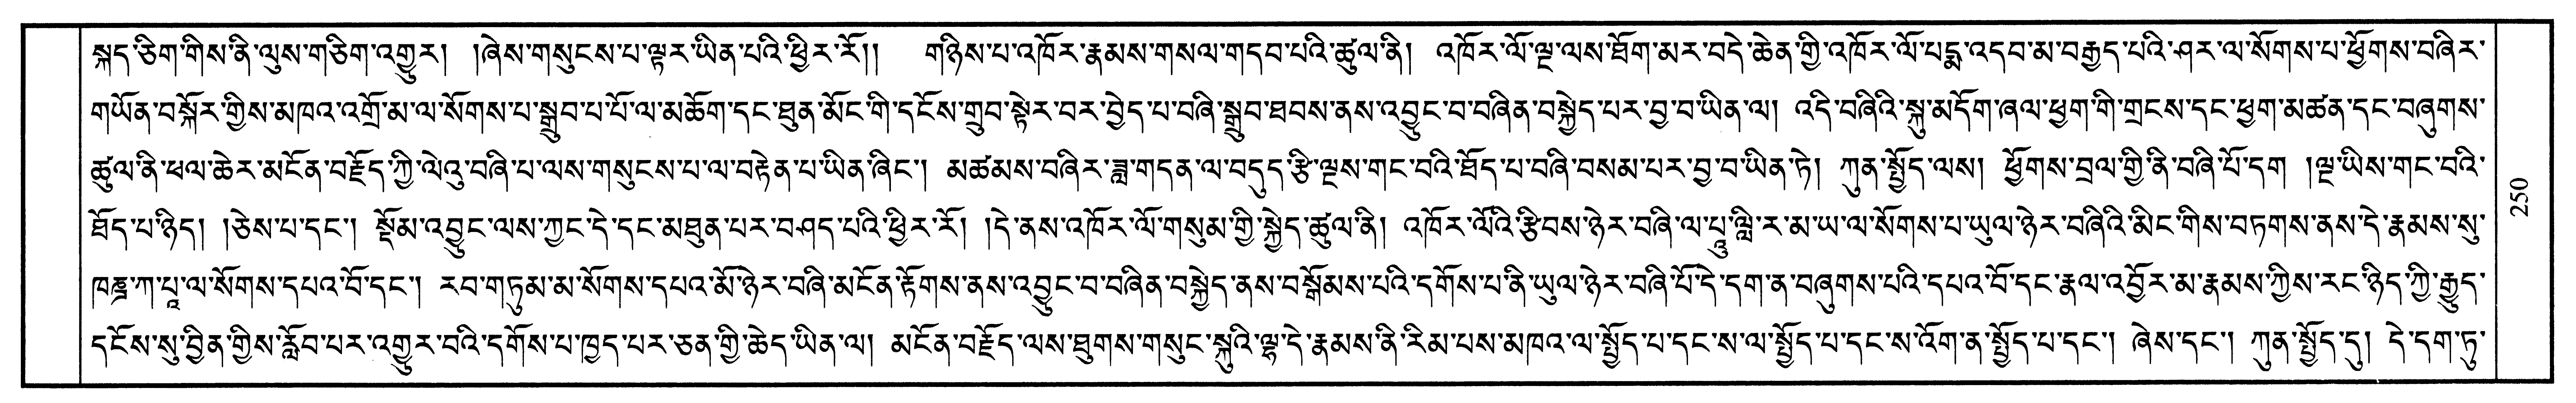སྐད་ཅིག་གིས་ནི་ལུས་གཅིག་འགྱུར། །ཞེས་གསུངས་པ་ལྟར་ཡིན་པའི་ཕྱིར་རོ། །གཉིས་པ་འཁོར་རྣམས་གསལ་གདབ་པའི་ཚུལ་ནི། འཁོར་ལོ་ལྔ་ལས་ཐོག་མར་བདེ་ཆེན་གྱི་འཁོར་ལོ་པདམ་འདབ་མ་བརྒྱད་པའི་ཤར་ལ་སོགས་པ་ཕྱོགས་བཞིར་
གཡོན་བསྐོར་གྱིས་མཁའ་འགྲོ་མ་ལ་སོགས་པ་སྒྲུབ་པ་པོ་ལ་མཆོག་དང་ཐུན་མོང་གི་དངོས་གྲུབ་སྟེར་བར་བྱེད་པ་བཞི་སྒྲུབ་ཐབས་ནས་འབྱུང་བ་བཞིན་བསྐྱེད་པར་བྱ་བ་ཡིན་ལ། འདི་བཞིའི་སྐུ་མདོག་ཞལ་ཕྱག་གི་གྲངས་དང་ཕྱག་མཚན་དང་བཞུགས་
ཚུལ་ནི་ཕལ་ཆེར་མངོན་བརྗོད་ཀྱི་ལེའུ་བཞི་པ་ལས་གསུངས་པ་ལ་བརྟེན་པ་ཡིན་ཞིང་། མཚམས་བཞིར་ཟླ་གདན་ལ་བདུད་རྩི་ལྔས་གང་བའི་ཐོད་པ་བཞི་བསམ་པར་བྱ་བ་ཡིན་ཏེ། ཀུན་སྤྱོད་ལས། ཕྱོགས་བྲལ་གྱི་ནི་བཞི་པོ་དག །ལྔ་ཡིས་གང་བའི་
ཐོད་པ་ཉིད། །ཅེས་པ་དང་། སྡོམ་འབྱུང་ལས་ཀྱང་དེ་དང་མཐུན་པར་བཤད་པའི་ཕྱིར་རོ། །དེ་ནས་འཁོར་ལོ་གསུམ་གྱི་སྐྱེད་ཚུལ་ནི། འཁོར་ལོའི་རྩིབས་ཉེར་བཞི་ལ་པཱུ་ལླི་ར་མ་ཡ་ལ་སོགས་པ་ཡུལ་ཉེར་བཞིའི་མིང་གིས་བཏགས་ནས་དེ་རྣམས་སུ་
ཁཎྜ་ཀ་པཱ་ལ་སོགས་དཔའ་བོ་དང་། རབ་གཏུམ་མ་སོགས་དཔའ་མོ་ཉེར་བཞི་མངོན་རྟོགས་ནས་འབྱུང་བ་བཞིན་བསྐྱེད་ནས་བསྒོམས་པའི་དགོས་པ་ནི་ཡུལ་ཉེར་བཞི་པོ་དེ་དག་ན་བཞུགས་པའི་དཔའ་བོ་དང་རྣལ་འབྱོར་མ་རྣམས་ཀྱིས་རང་ཉིད་ཀྱི་རྒྱུད་
དངོས་སུ་བྱིན་གྱིས་རློབ་པར་འགྱུར་བའི་དགོས་པ་ཁྱད་པར་ཅན་བགྱི་ཆེད་ཡིན་ལ། མངོན་བརྗོད་ལས་ཐུགས་གསུང་སྐུའི་ལྷ་དེ་རྣམས་ནི་རིམ་པས་མཁའ་ལ་སྤྱོད་པ་དང་ས་ལ་སྤྱོད་པ་དང་ས་འོག་ན་སྤྱོད་པ་དང་། ཞེས་དང་། ཀུན་སྤྱོད་དུ། དེ་དག་ཏུ་